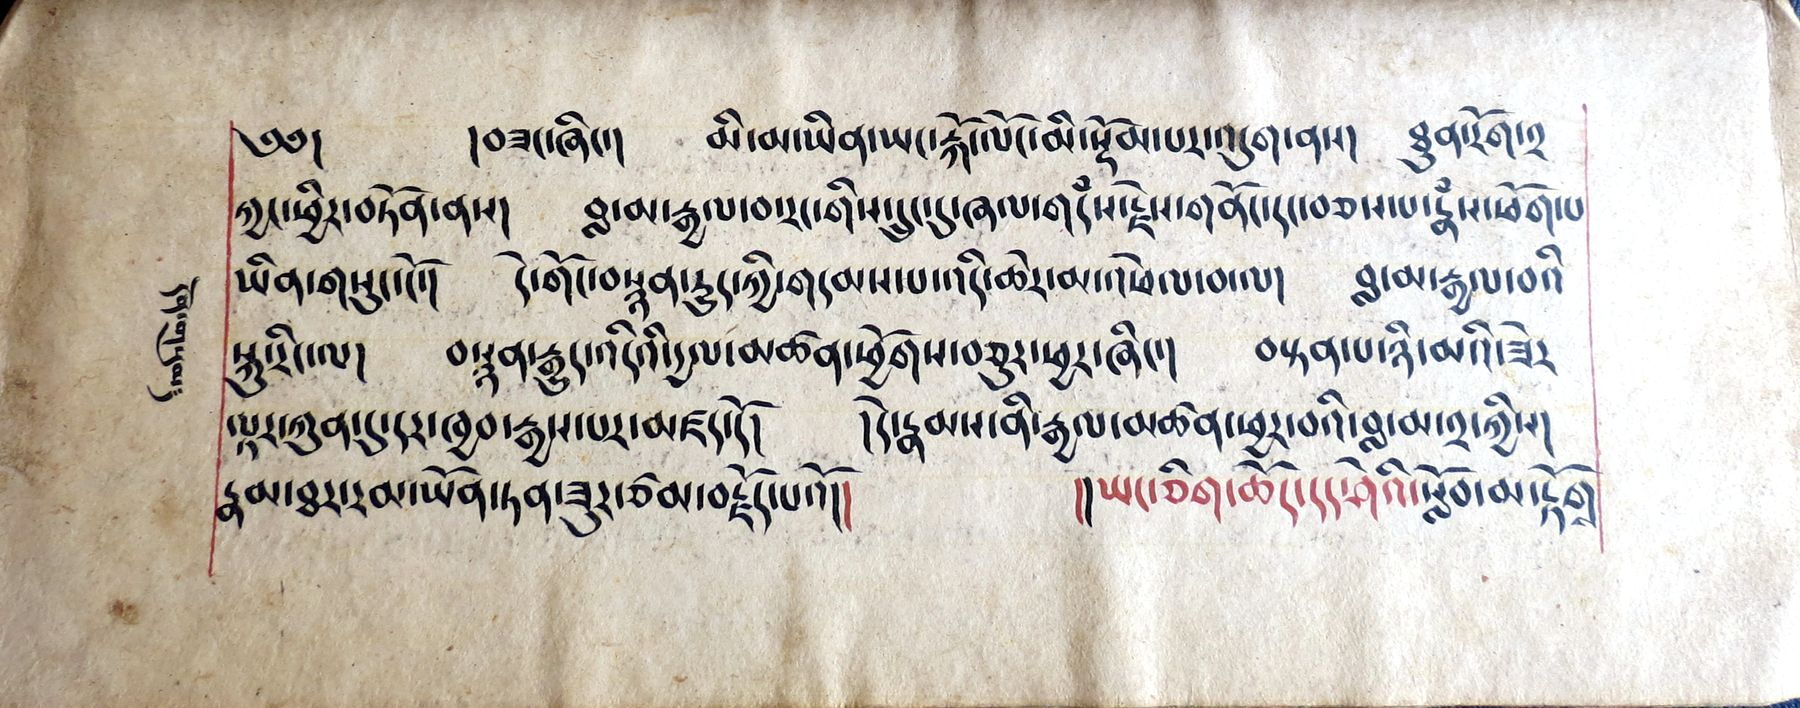དེར་ཉམས་རྟགས་ཐམས་ཅད་ཤིན་ཏུ་བཟང་ཞིང་། མི་མ་ཡིན་ཡང་རྐོ་ལོང་མི་སྡོམ་པར་འདུག་ནས། ཐུན་རོགས་གཉིས་
ཀྱང་ཕྱིར་བཏོན་ནས། བླ་མ་རྒྱལ་བ་རང་གི་དྲུང་དུ། ཞལ་གདམས་རྗེས་གནང་དང་བཅས་པ་རྣམས་ཕོག་པ་
ཡིན་གསུང་ངོ་། དེ་གོང་སྙན་རྒྱུད་ཀྱི་གདམས་པ་འདི་ཆེར་མ་འཕེལ་བ་ལ། བླ་མ་རྒྱལ་བའི་
སྐུ་རིང་ལ་སྙན་རྒྱུད་འདིའི་རྒྱལ་མཚན་ཕྱོགས་བཅུར་ཕྱར་ཞིང་བསྟན་པ་ཉི་མའི་ཟེར་
ལྟར་ཀུན་ཏུ་དར་ཁྱབ་རྒྱས་པར་མཛད་དོ། དེ་རྣམས་ནི་རྒྱལ་མཚན་ཕྱར་བའི་བླ་མ་གཉིས་ཀྱི་
རྣམ་ཐར་རམ་ཡོན་ཏན་ཟུར་ཙམ་བརྗོད་པའོ། །ཡང་ཅིག་ཆོད་དད་ཤེའི་སློབ་མ་རྟོགས་